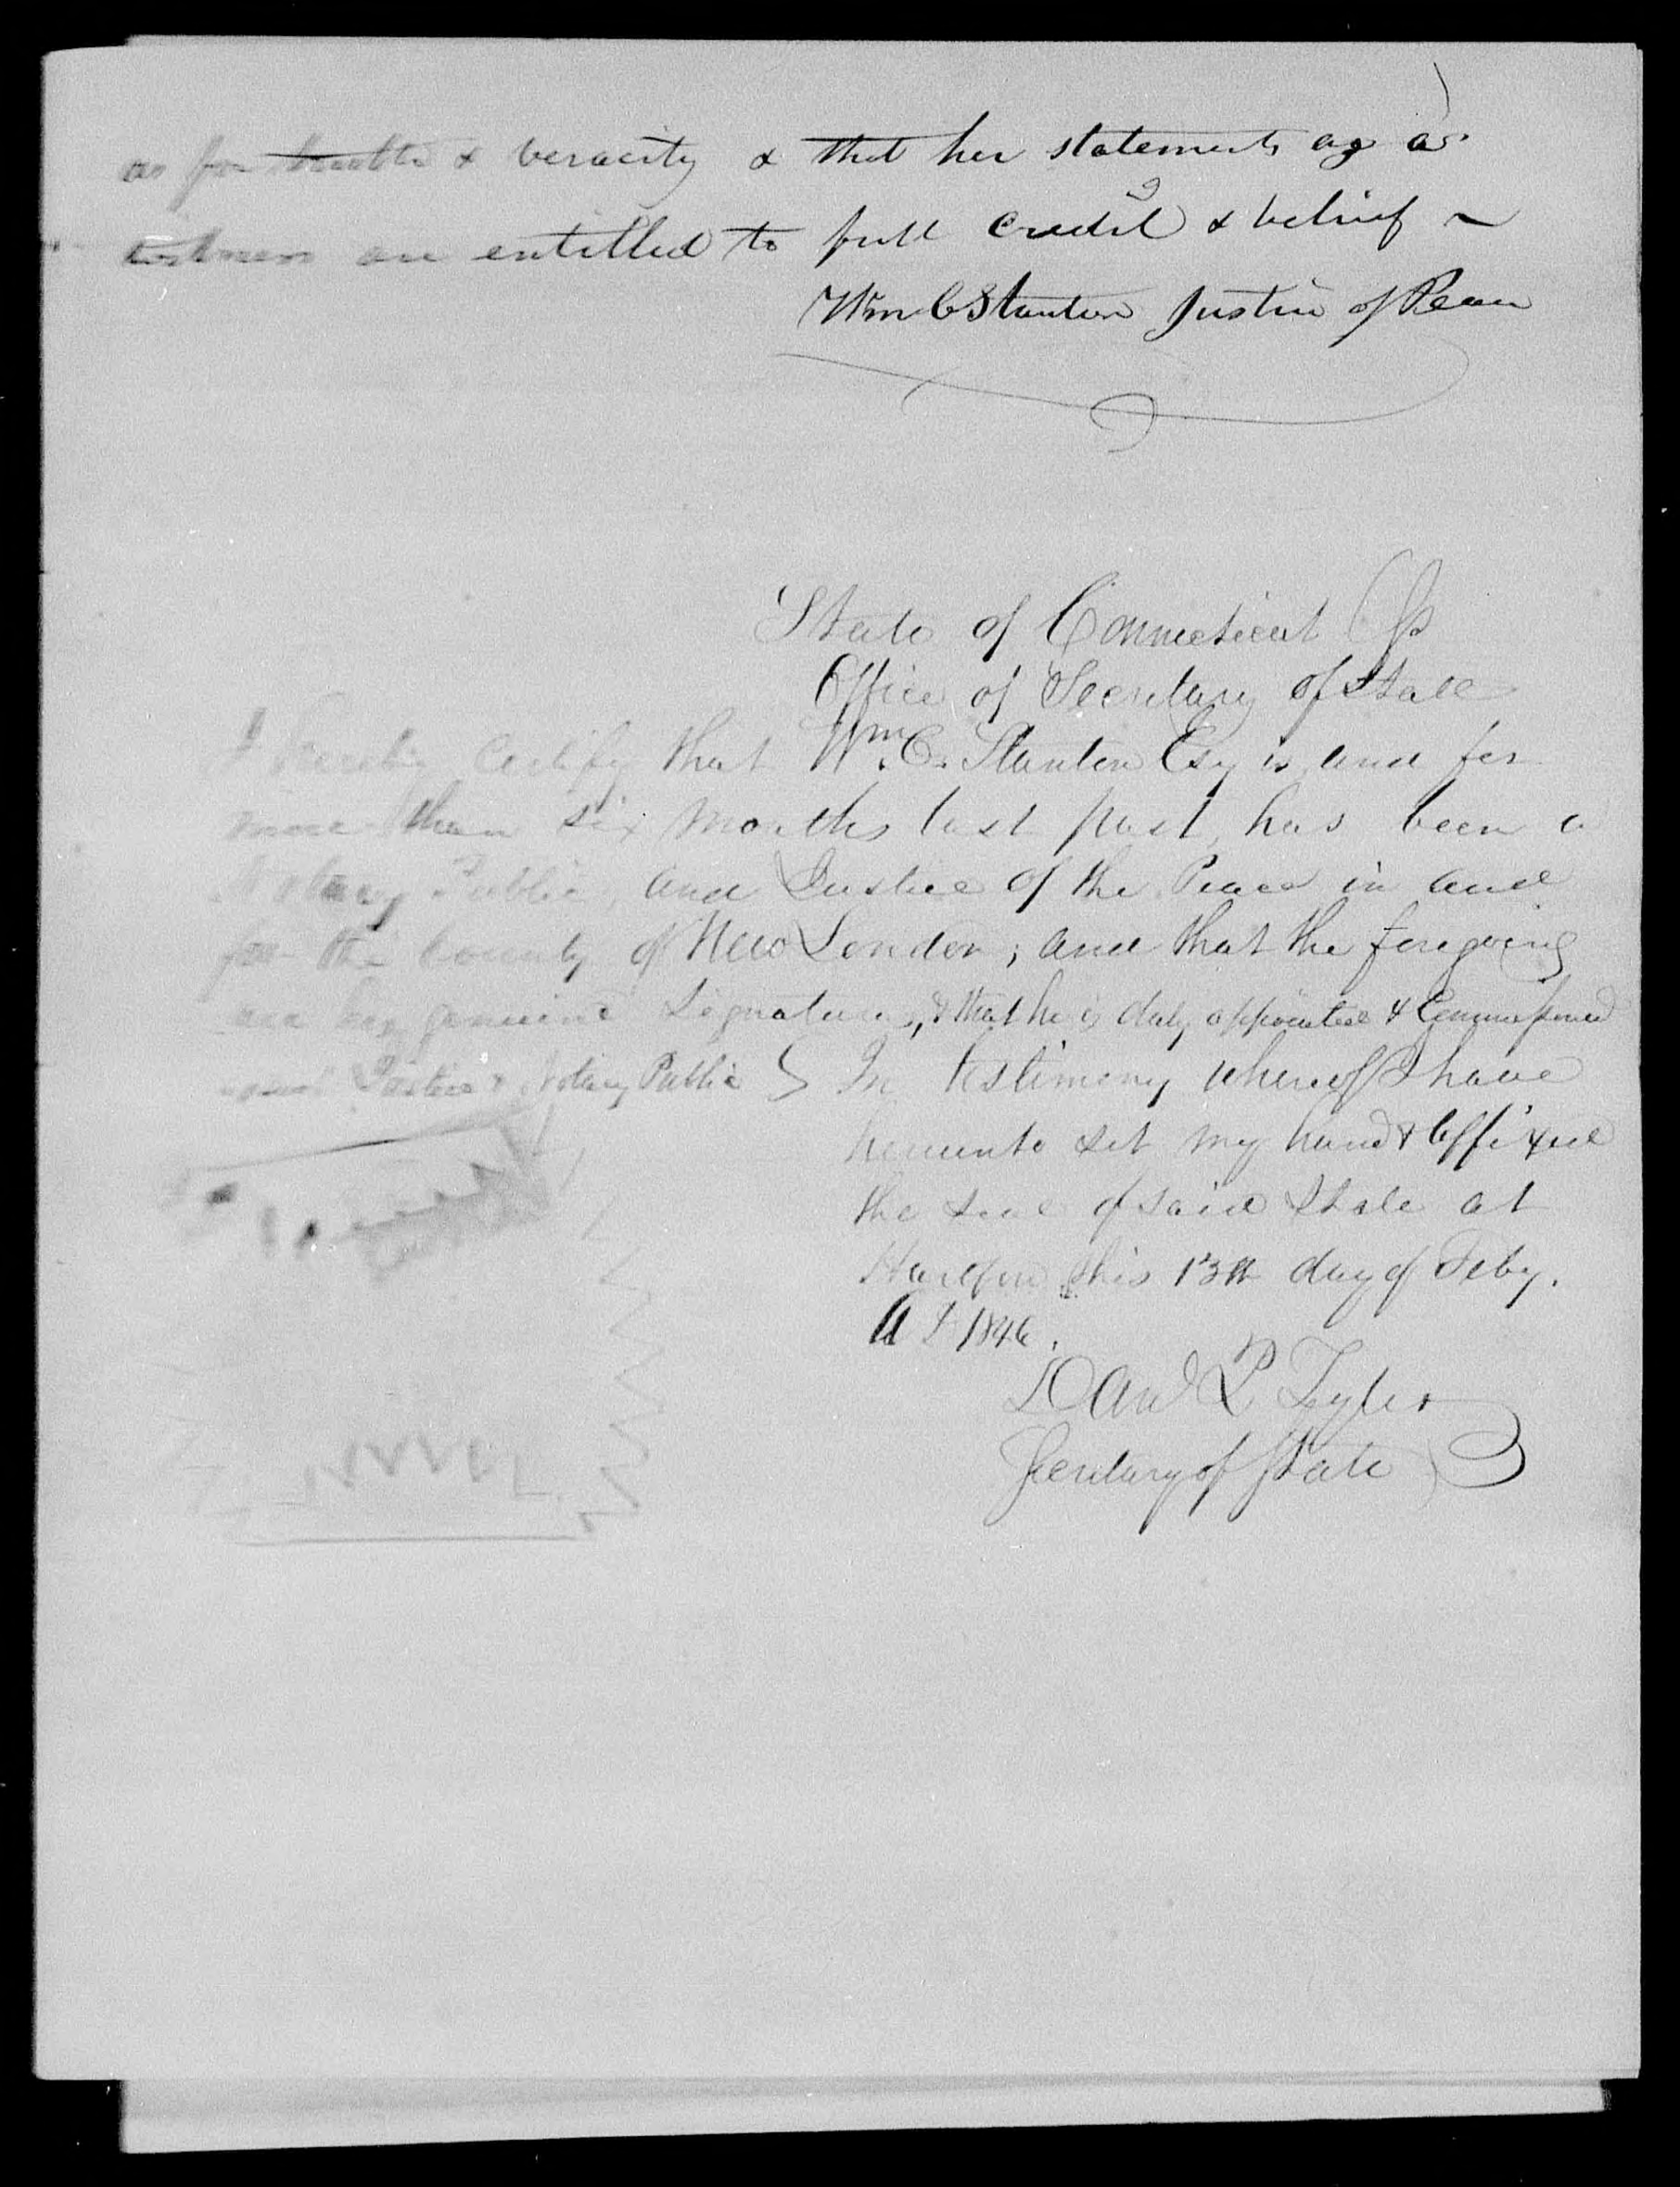as for truth & veracity-- that her statement are as within are entitled to full credit & belief. 
Wm B Stanten, Justice of the Peace.

State of Connecticut
Office of Secretary of State
I hereby certify that Wm. C. Stanten Esq is, and for more than six months last past has been, a Notary Public and Justice of the Peace in and for the County of New London, and that the foregoing are his genuine signature, and that he is a duly appointed & ----- : Justice & Notary Public. In testimony whereof I have hereunto set my hand & testified that the seal of said state at Halifax this 13th day of Feby. A.D. 1846. 
D.Aul.P Tyler
Secretary of State.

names: Wm C Stanton, Danl L Tyler, Wm C Stanton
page: 28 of 40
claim: rejected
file: R. 4251, John Green, Conn.